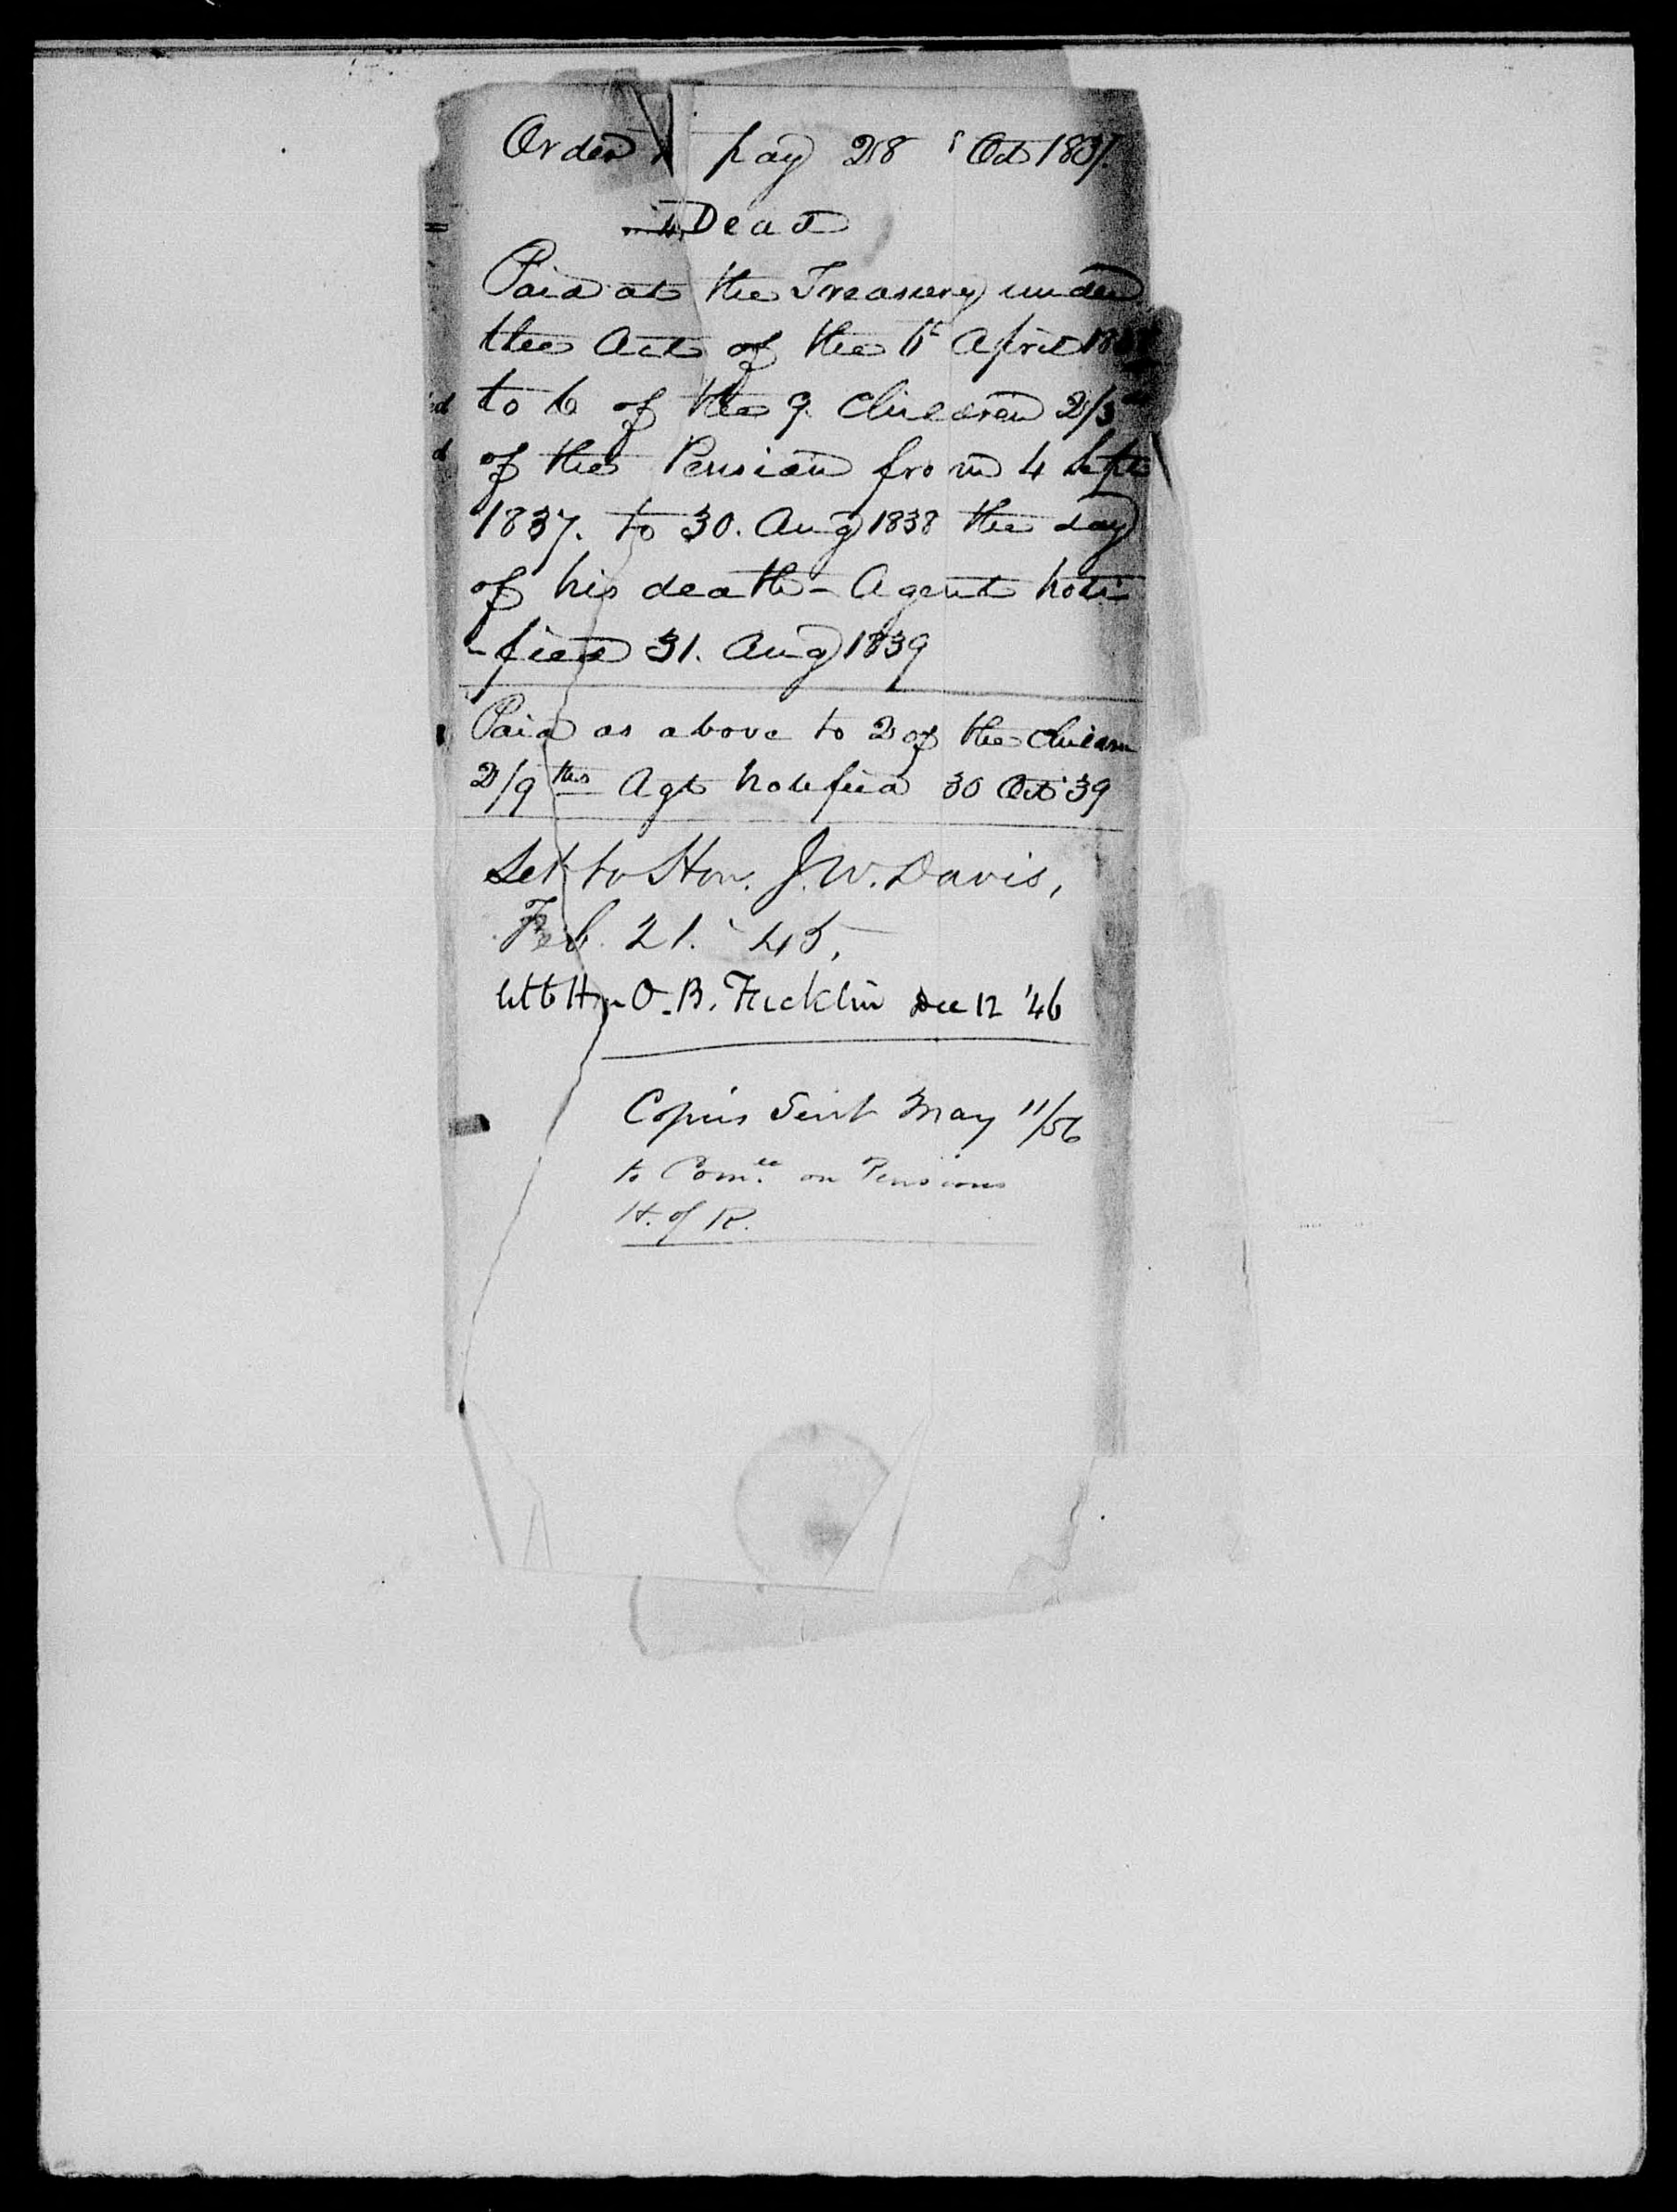Order to pay 28th Oct 1831
Dead
Paid at the treasury under the actsof the 6th April 18 __ to 6 of the 9 children 2/3rds of the Pension from 4 Sept 1837 to 30 Aug 1838 the day
of his death. Agent notified
 31. Aug 1839
Paid as above to 2 of the children 
2/9ths Agt notified 30 Oct '39
Let to Hon. J.W. Davis,
Feb 21, '45
let to Hon O. B Ficklin Dec 12 '46
Copies sent May 11/56
to Com'ee on Pensions H. of R.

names: J W Davis, O B Ficklin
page: 3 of 44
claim: survivor's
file: S. 31,061, Thomas Gill, S.C.